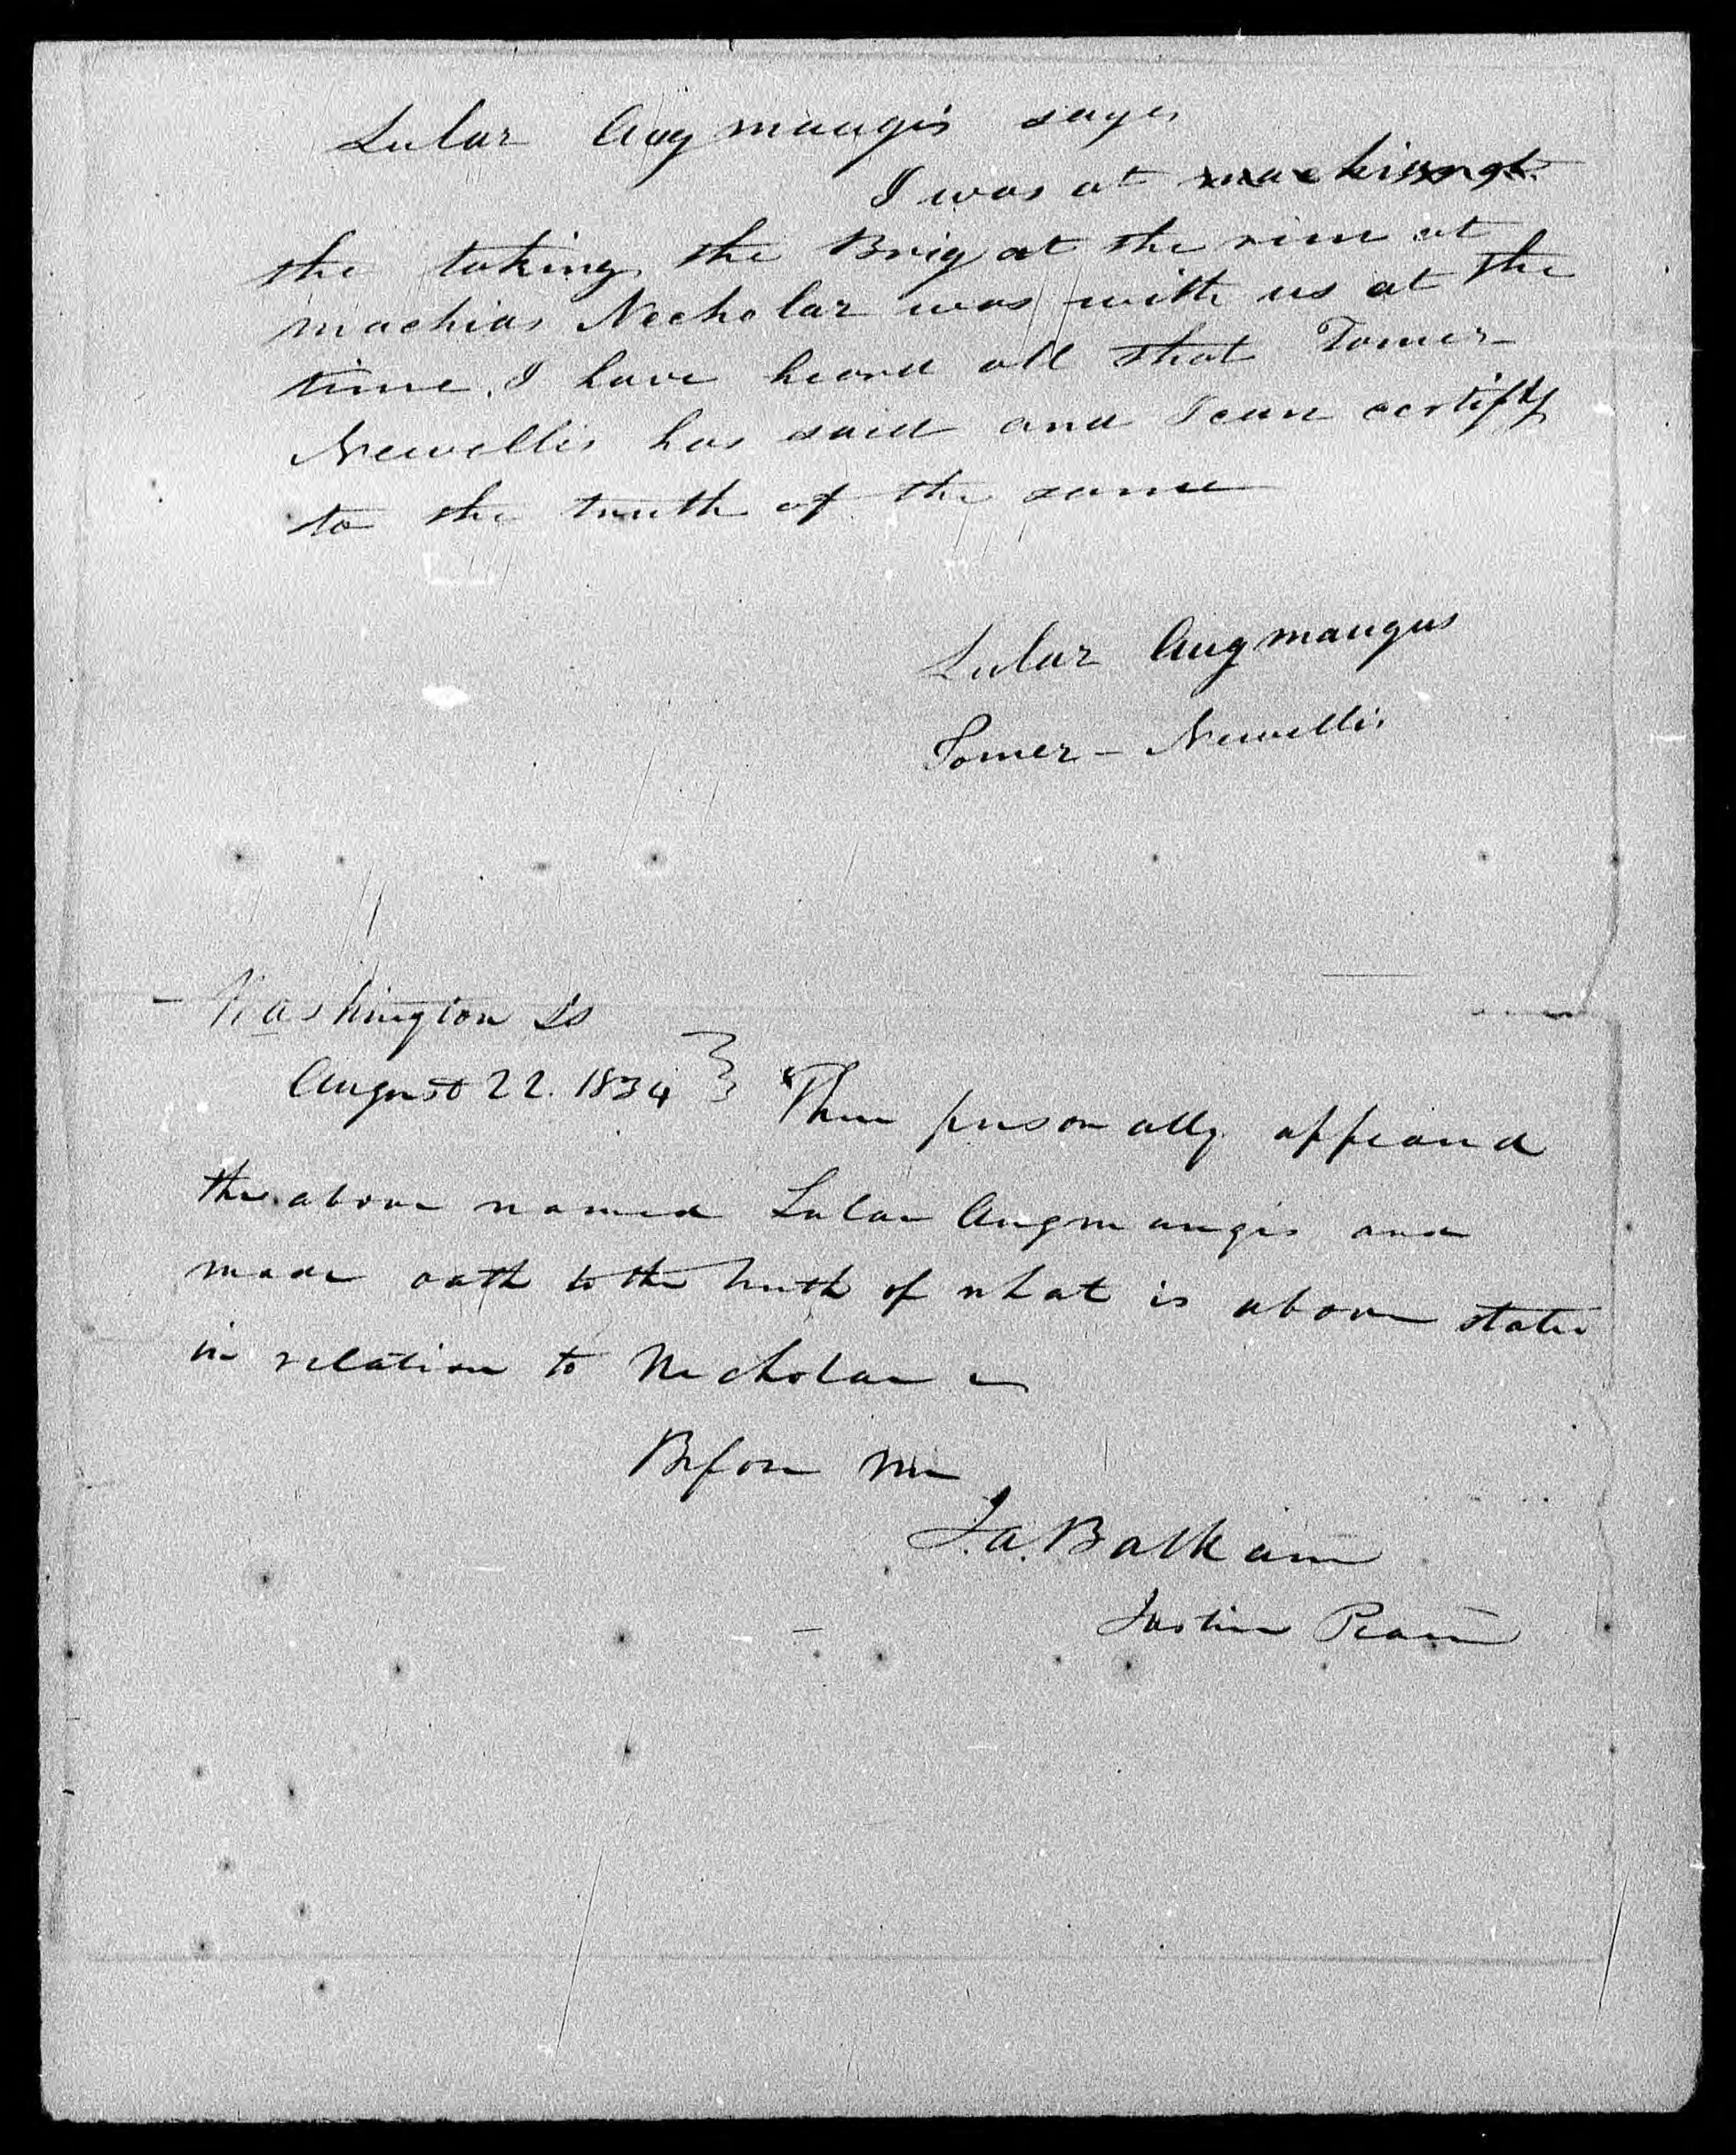Lular Augmangus says
I was at [Washington] the taking the Brig at the [river] at Machias Nicholar was with us at the time. I have heard all that Tomer Newellis has said and can certify to the truth of the [same]
Lular Augmangus
Tomer - Newellis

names: Lular Augmangus, Lular Augmangis, Lular Augmangus, Nicholar, J A Balkam, Tomer Newellis, Tomer Newellis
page: 36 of 52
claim: survivor's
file: S 17997, Nicholas Hawwawas, Mass.